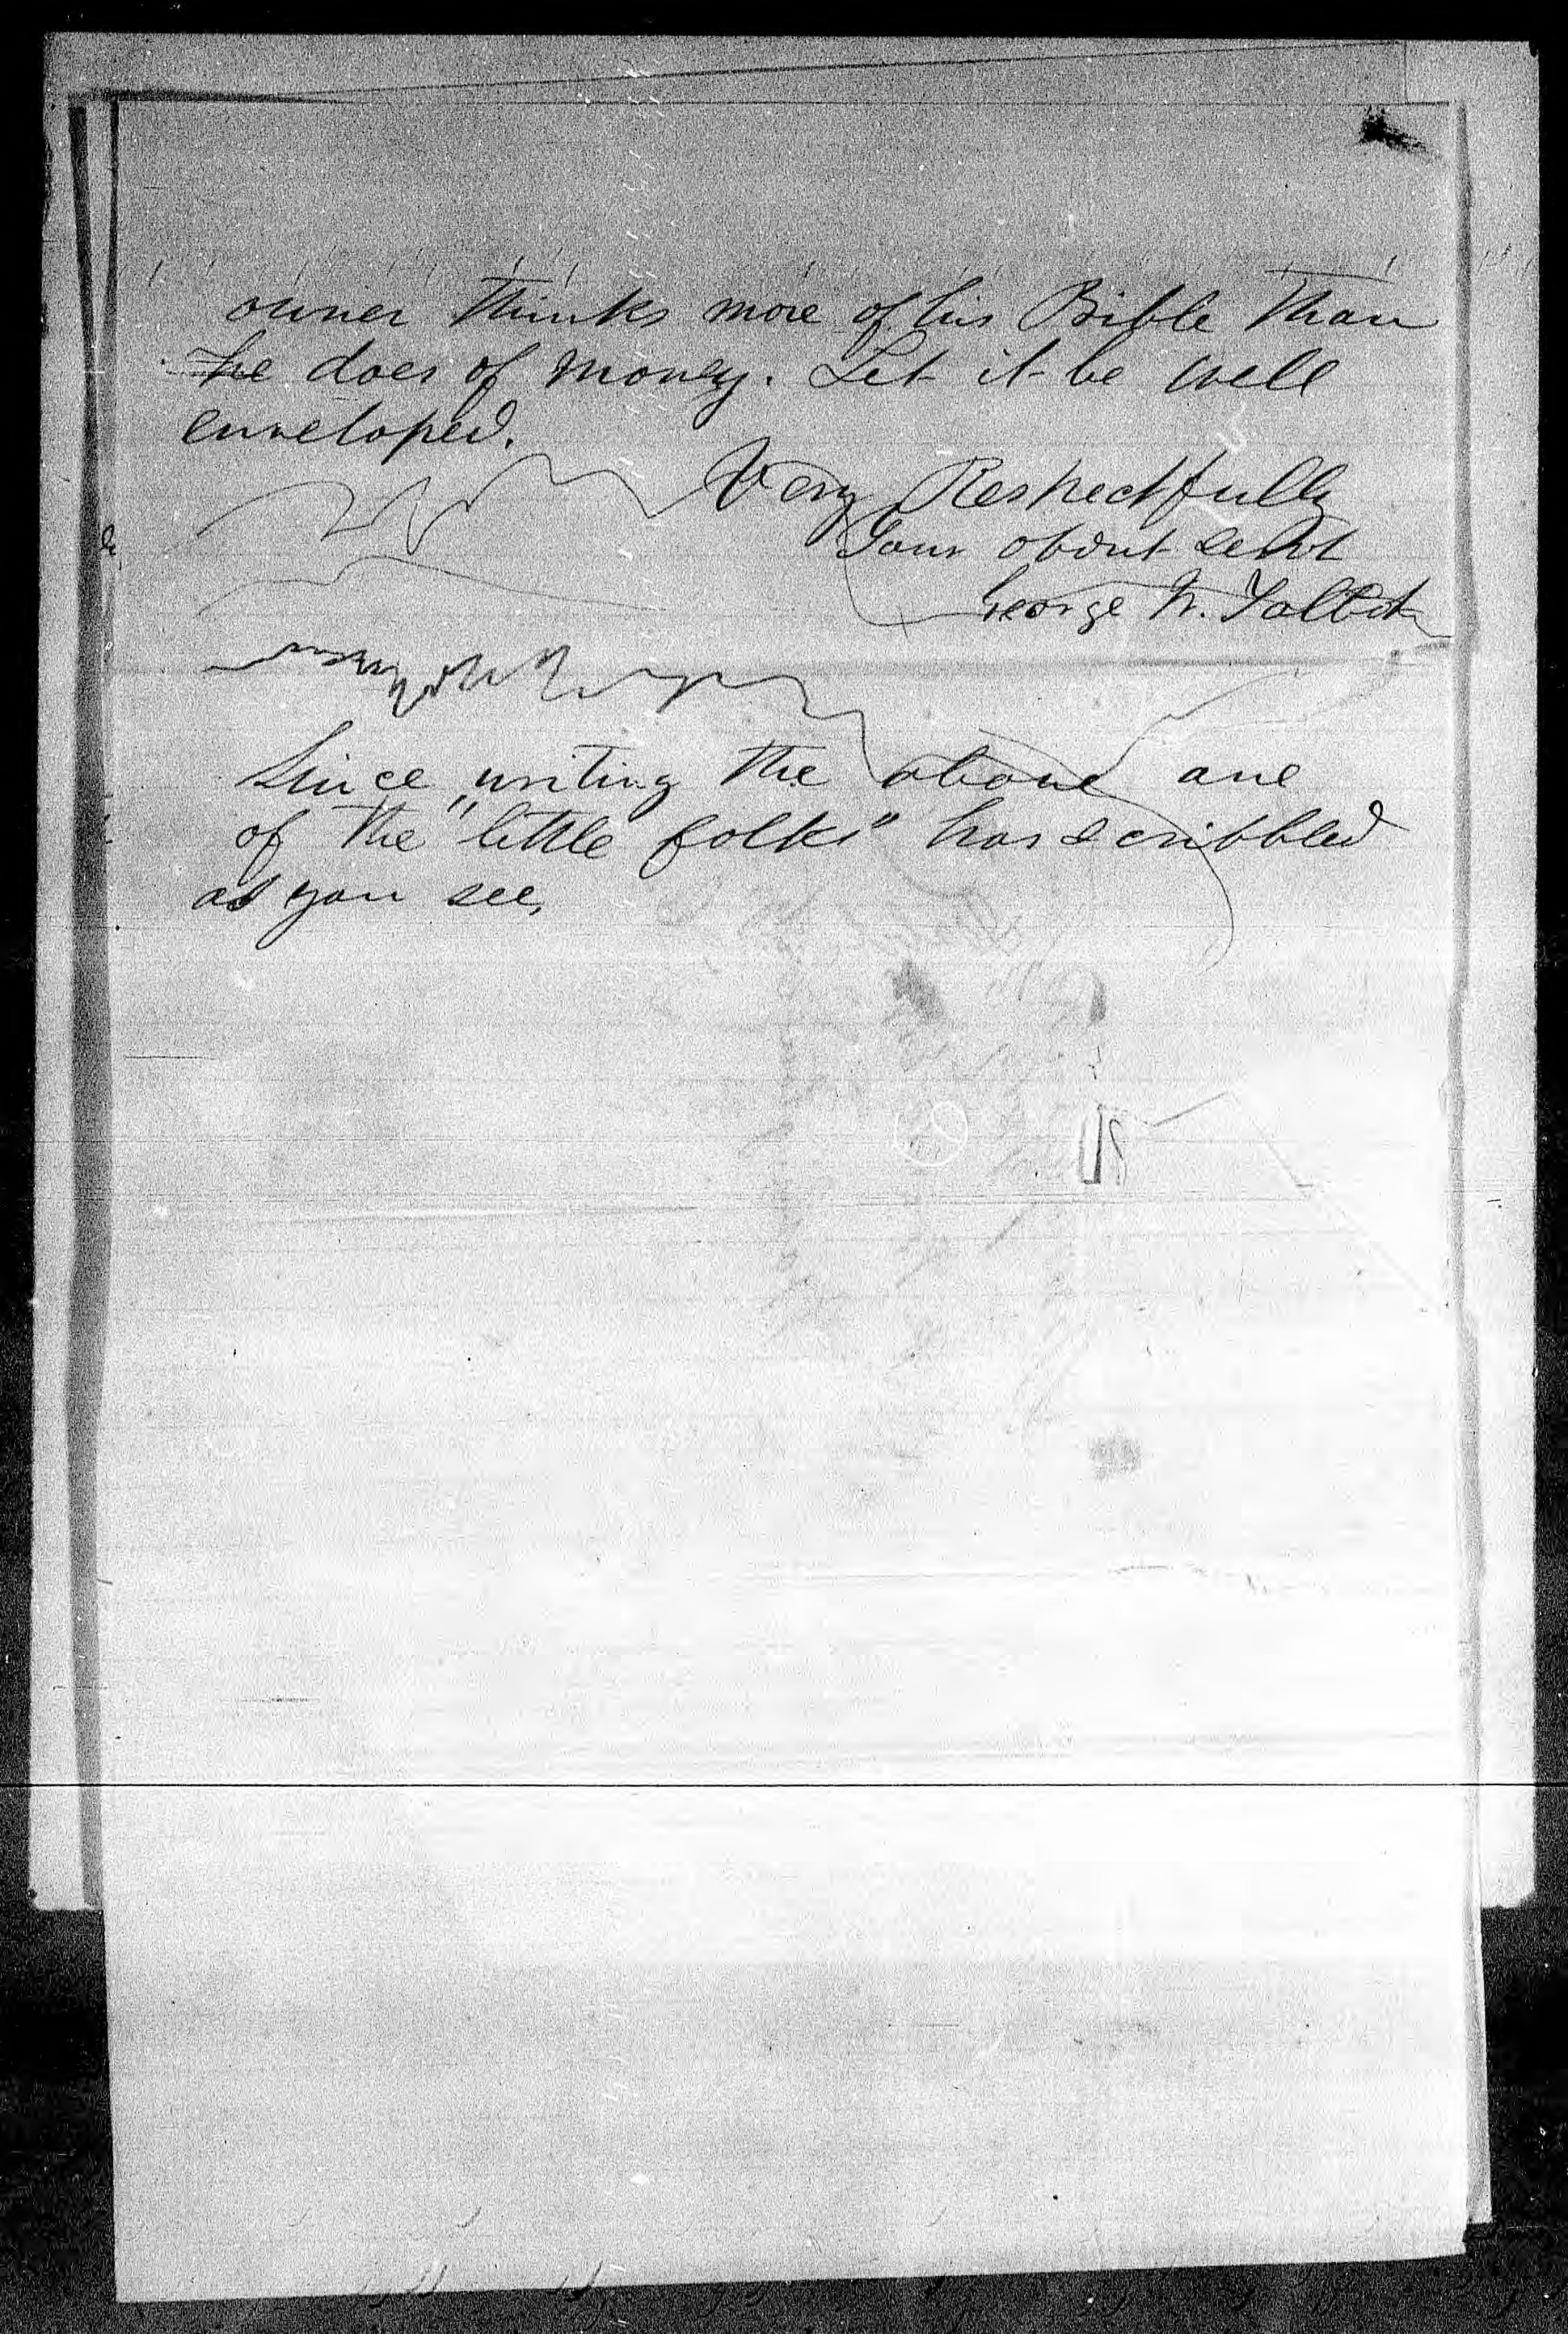owner thinks more of his Bible than he does of money. Let it be well enveloped.  Very Respectfully  Your obent Servt [signed] George W. Talbot

Since writing the above and of the "little folks" has scribbled as you see.  [squiggle lines on letter]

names: George W Talbot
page: 64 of 91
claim: widow's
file: W 358, John Grider, N.C.